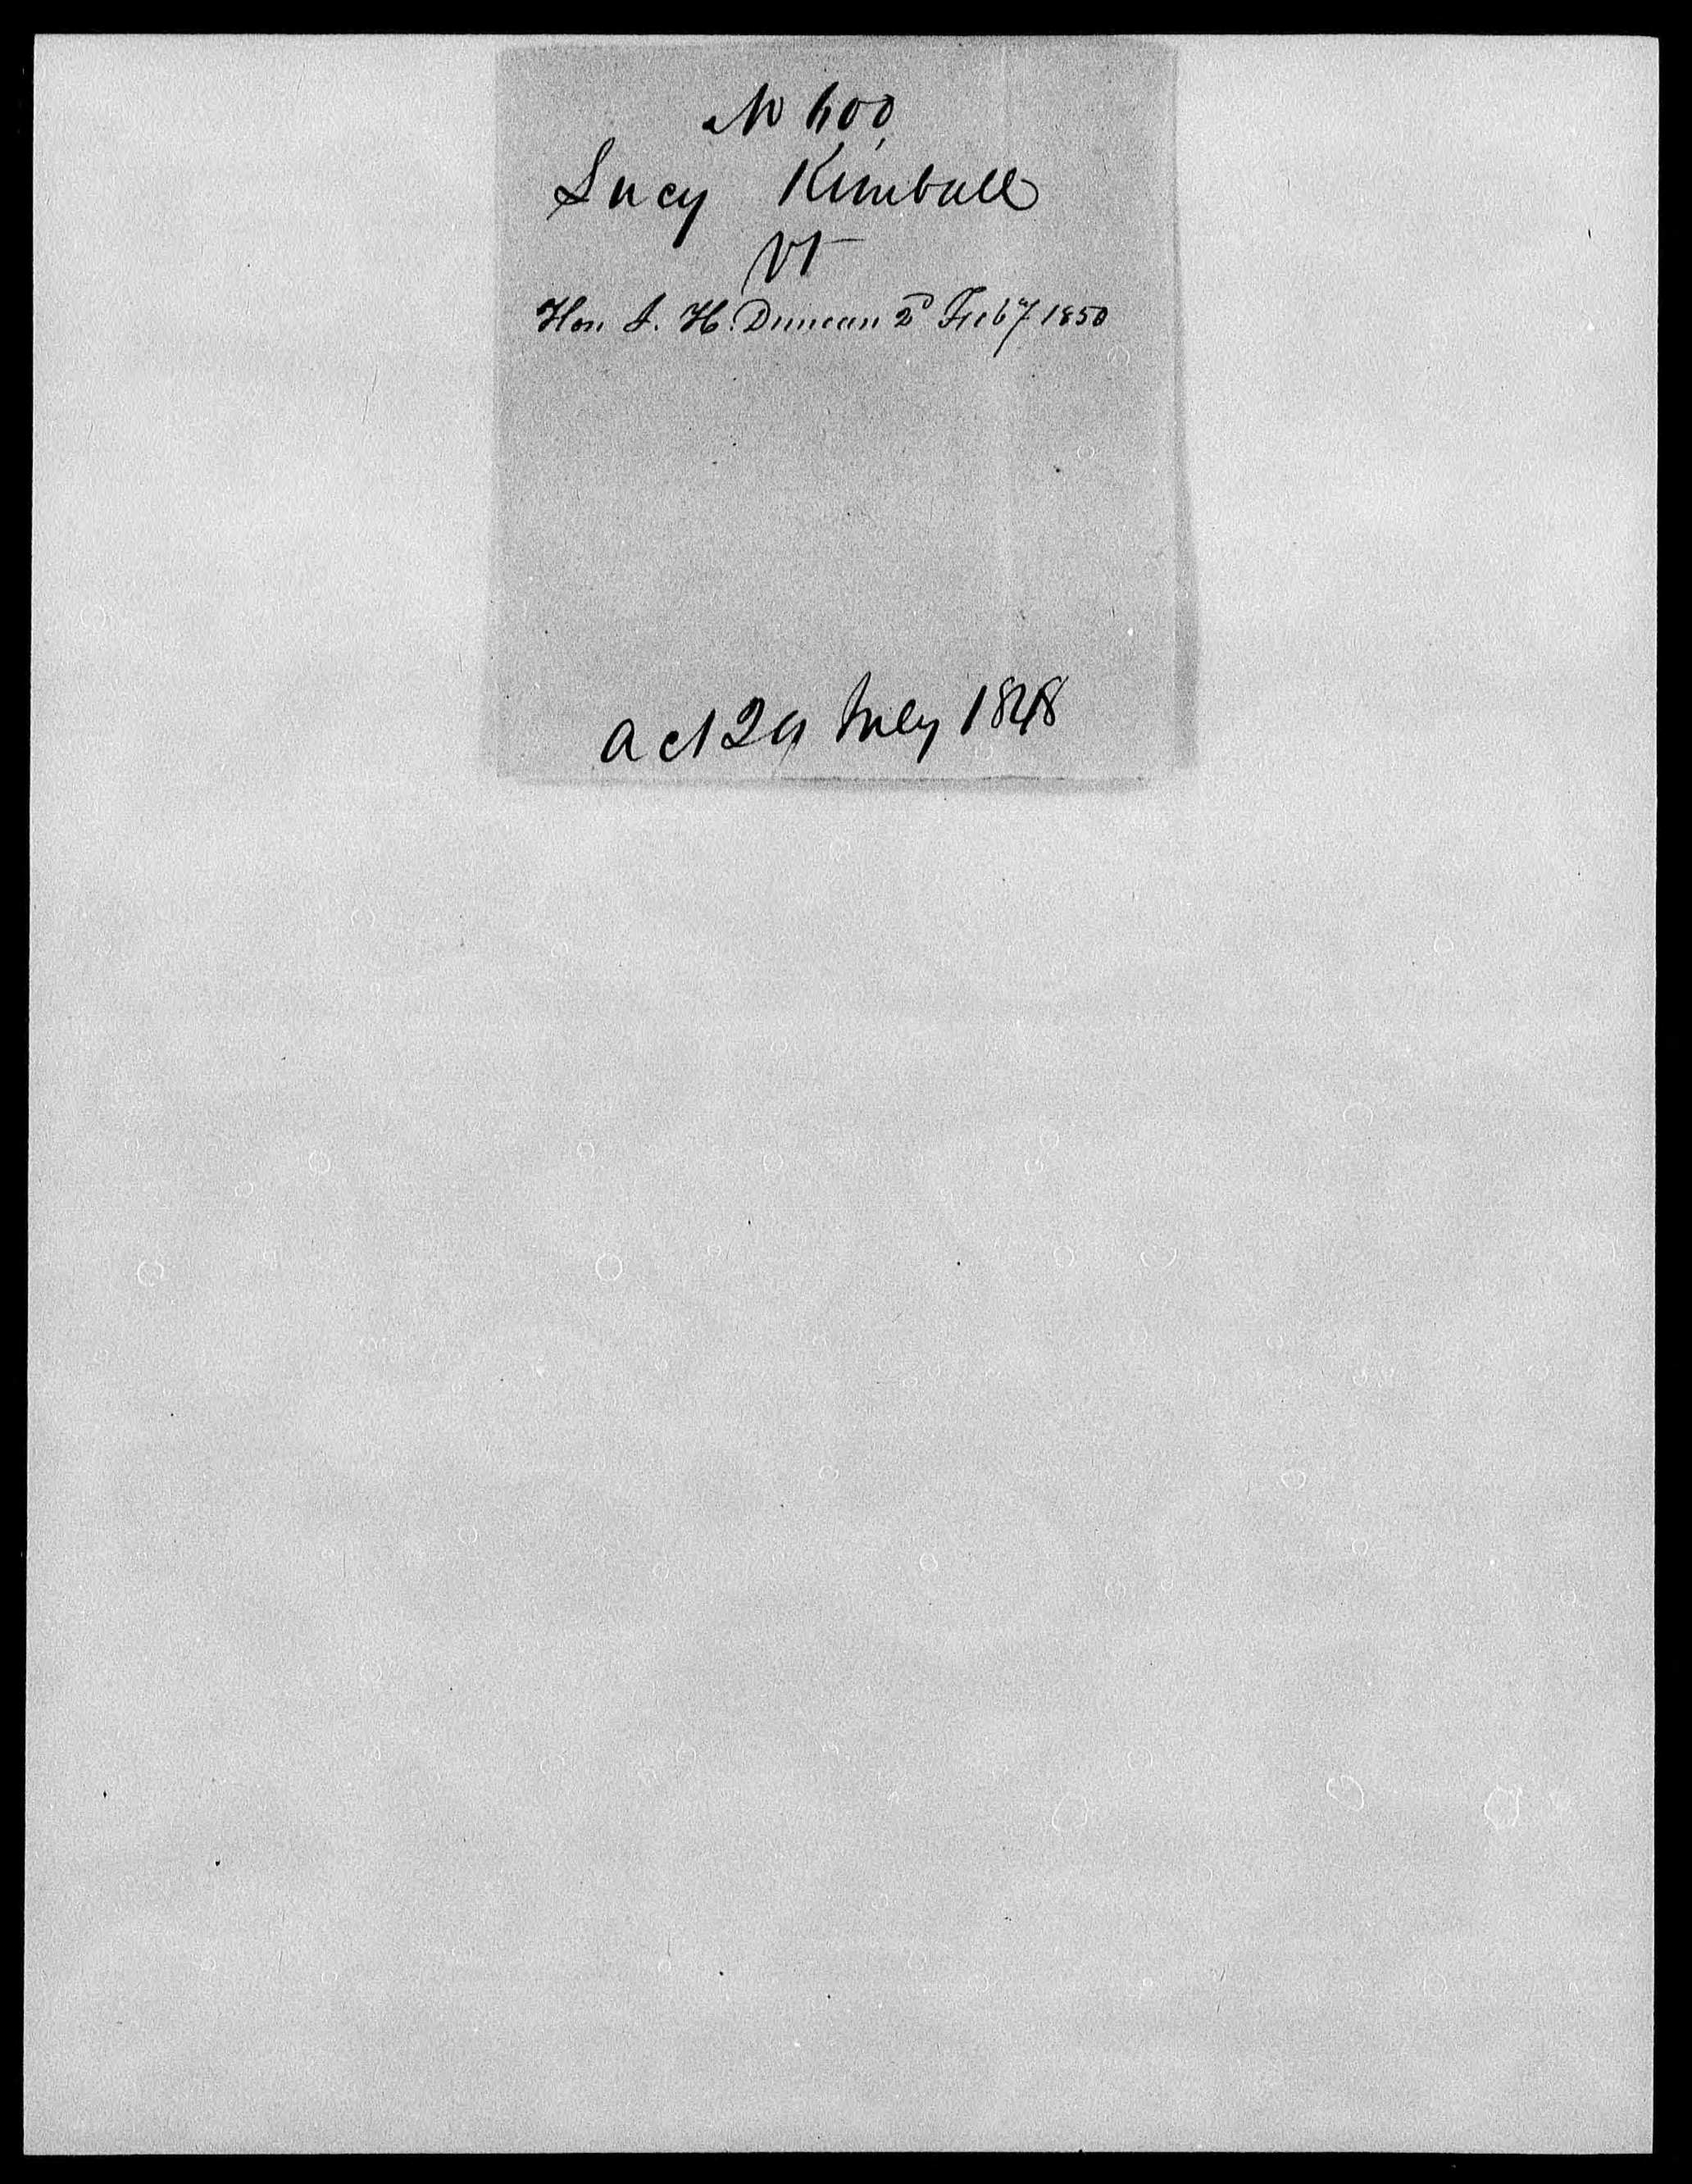N 1,00 Lucy Kimbull 
vi
Hon. J. H. Duncan  Feb 7 1850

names: Lucy Kimball; J H Duncan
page: 20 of 29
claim: widow's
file: W. 1779, for Richard Kimball, Massachusetts